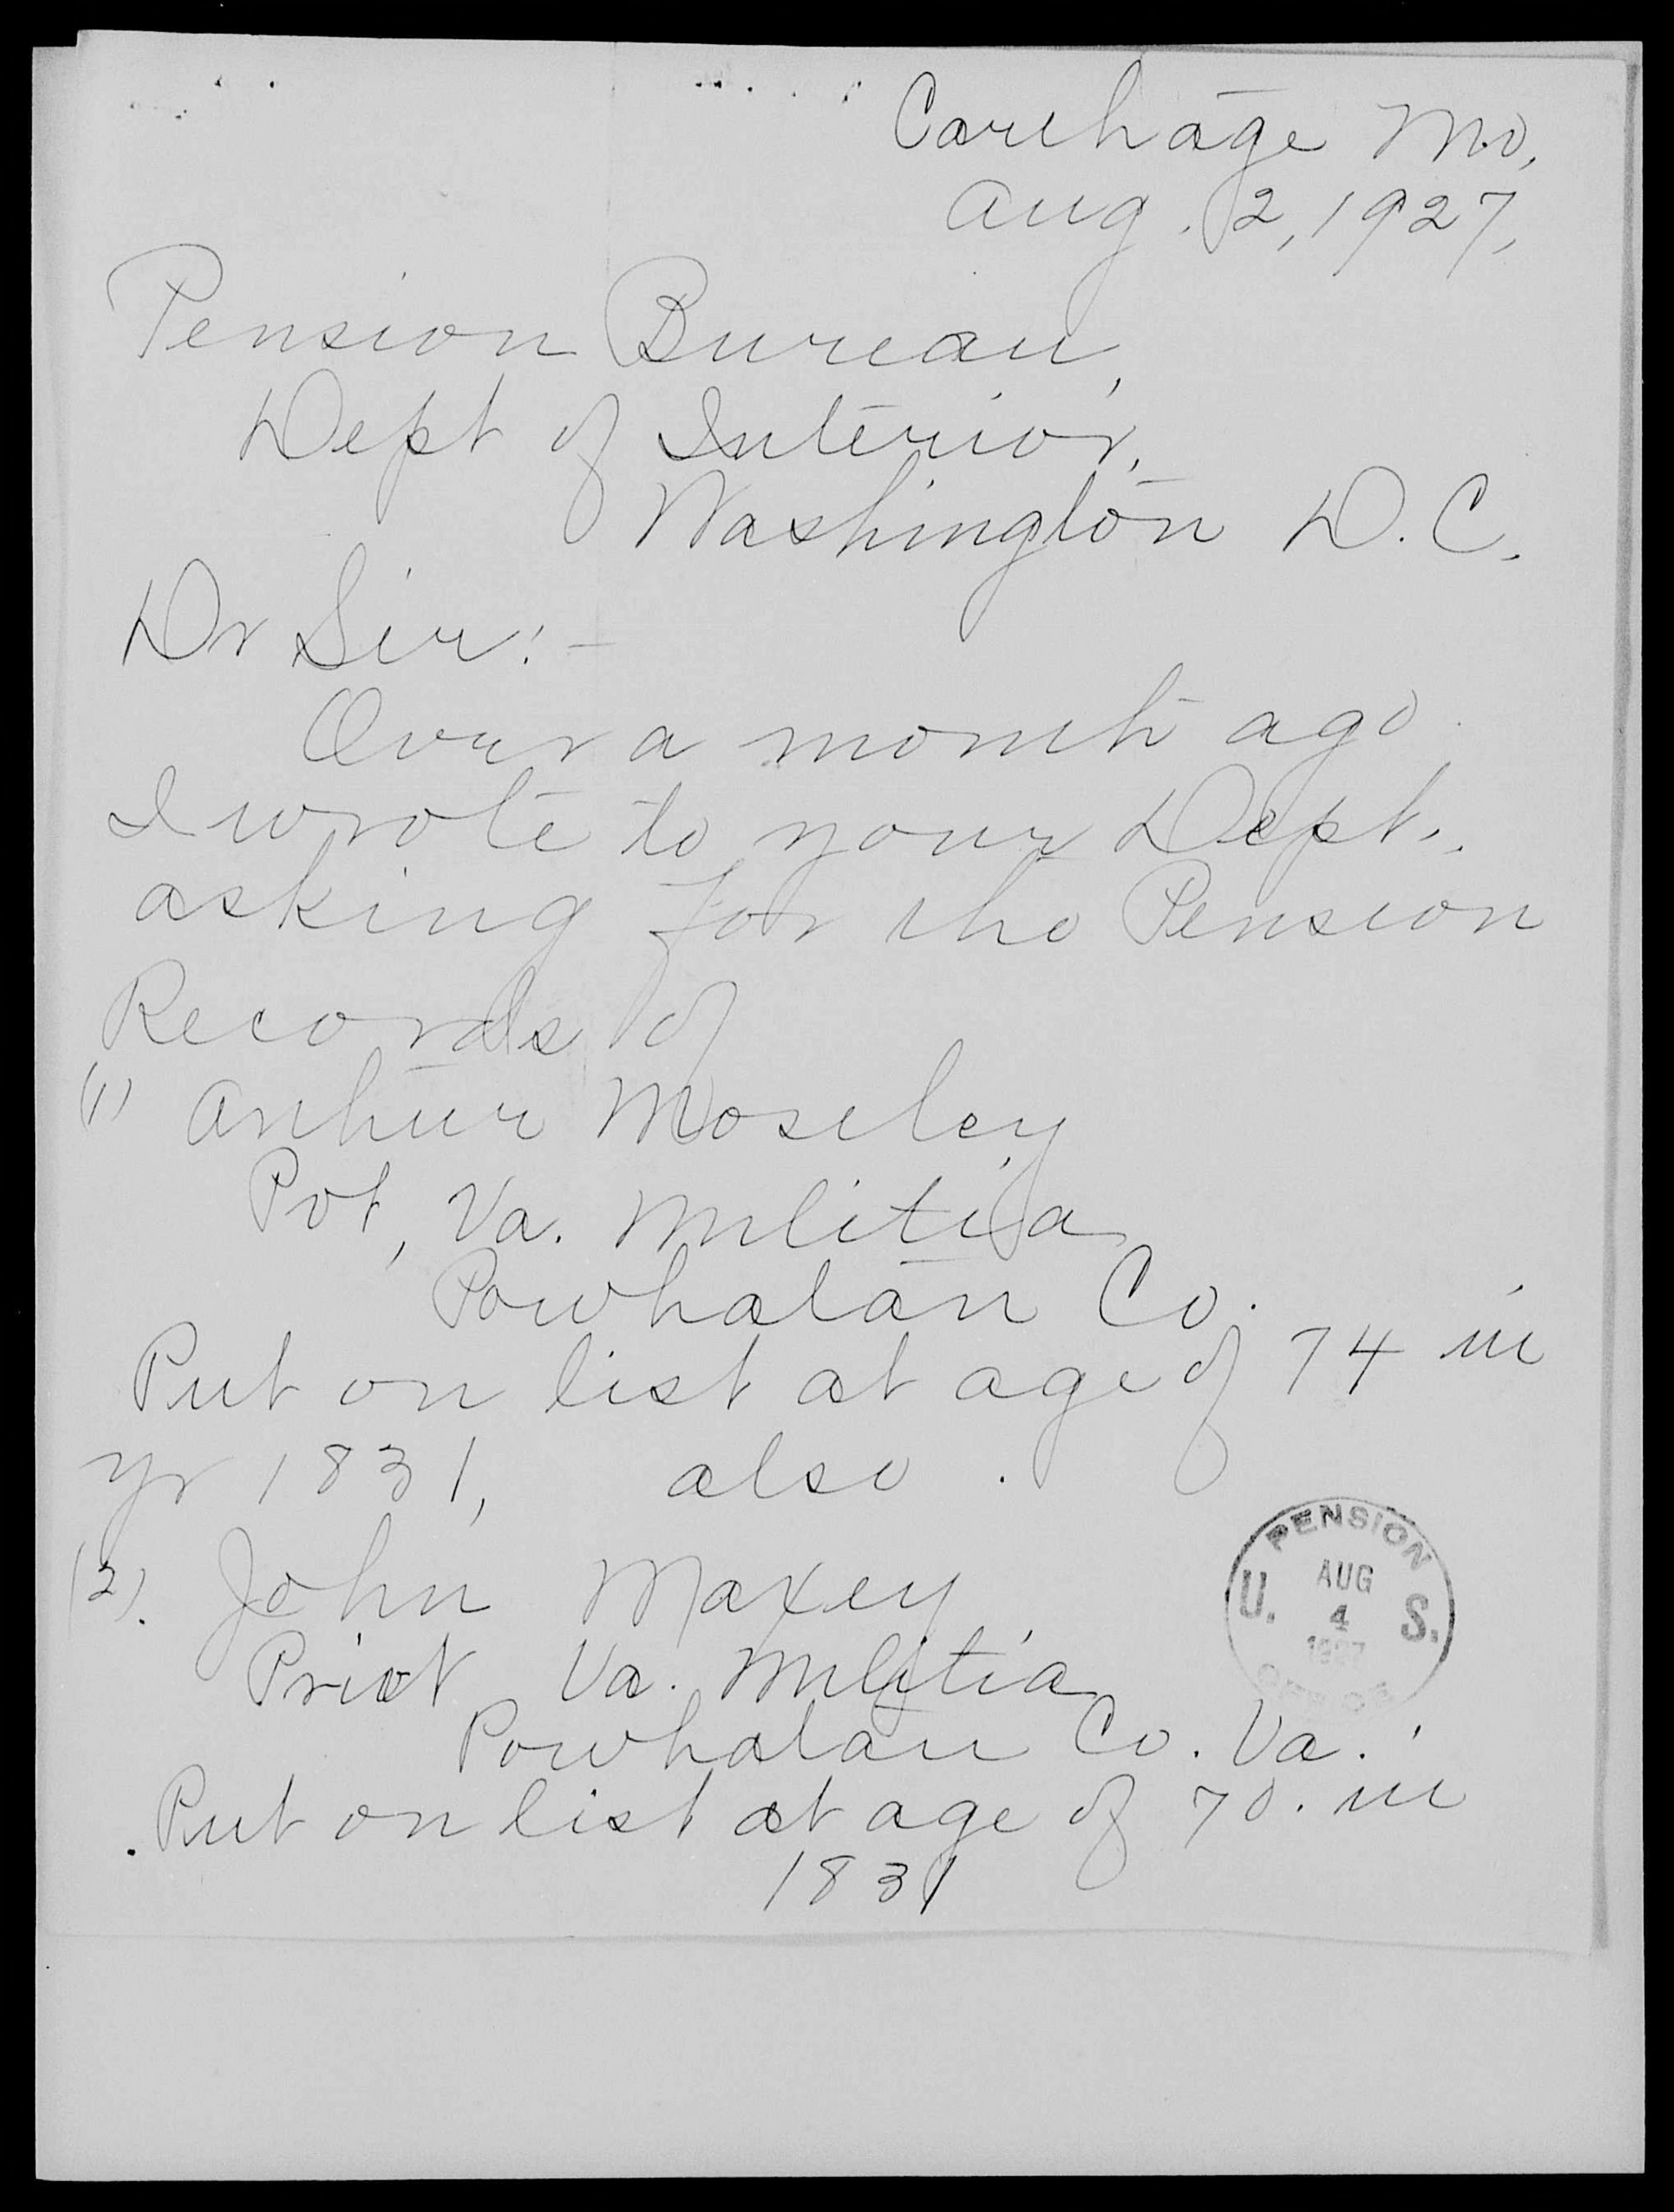Carthage Mo.
Aug. 2, 1927,

Pension Bureau,
Dept of Interior,
Washington D.C.
Dr. Sir: -

Over a month ago I wrote to your Dept. asking for the Pension Records of

(1)	Arthur Moseley
Pvt, Va. Militia
Powhatan Co.
Put on list at age of 74 in yr 1831, also
(2)	John Maxey
Privt Va. Militia
Powhatan Co. Va.
Put on list at age of 70 in 1831

[round seal at bottom right of document]
U.S. PENSION OFFICE
Aug
4
1927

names: Arthur Moseley; John Maxey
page: 20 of 21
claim: survivor's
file: S. 7240, for Arthur Moseley, Virginia